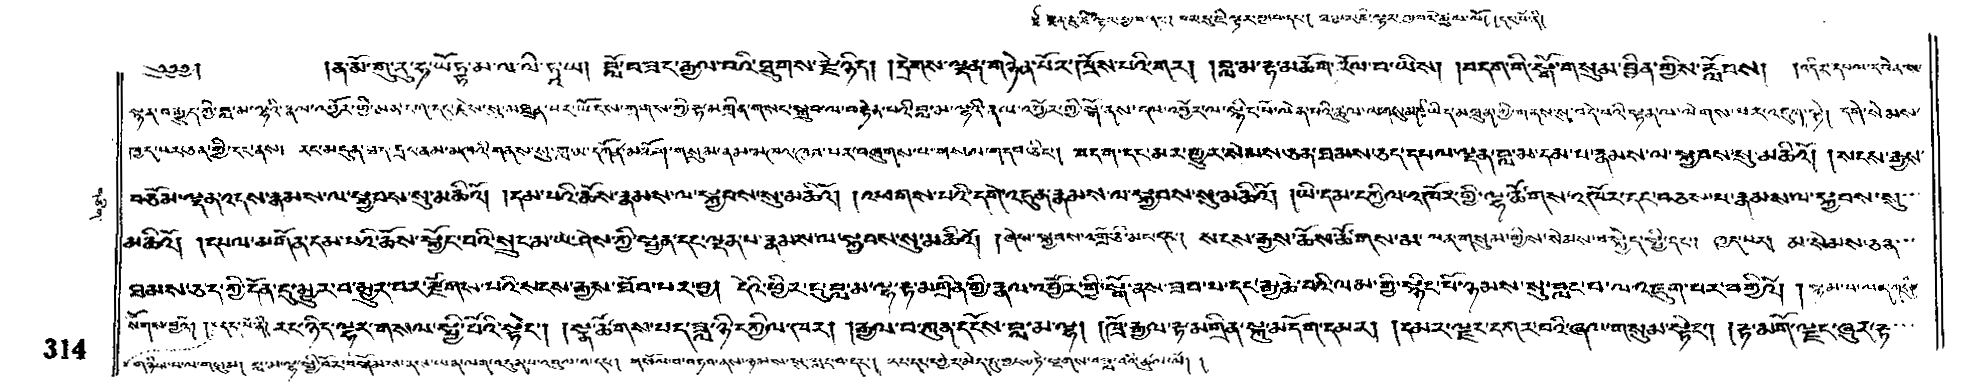༄༅༅། །ན་མོ་གུ་རུ་ཧ་ཡོཏྟ་མ་ལ་ལི་ཏཱ་ཡ། བློ་བཟང་རྒྱལ་བའི་ཐུགས་རྗེ་ཉིད། །དྲེགས་ལྡན་གཉེན་པོར་ཁྲོས་པའི་གར། །བླ་མ་རྟ་མཆོག་རོལ་བ་ཡིས། །བདག་གི་སྒོ་གསུམ་བྱིན་གྱིས་རློབས། །འདིར་དཔལ་དབེན་ས་
སྙན་བརྒྱུད་ཀྱི་བླ་མ་ལྷའི་རྣལ་འབྱོར་གྱི་མན་ངག་དང་རྗེས་སུ་མཐུན་པར་ཡོངས་གྲགས་ཀྱི་རྟ་མགྲིན་གསང་སྒྲུབ་ལ་བརྟེན་པའི་བླ་མ་ལྷའི་རྣལ་འབྱོར་གྱི་སྒོ་ནས་དལ་འབྱོར་ལ་སྙིང་བོ་ལེན་པའི་ཚུལ་ལ་གསུམ་སྔོན?་དུ་ཇི་ལྟར་བྱ་བ་དང་། བར་དུ་ཇི་ལྟར་བྱ་བ་དང་། ཐ་མར་ཇི་ལྟར་བྱ་བའི་ཚུལ་ལོ། །དང་བོ་ནི།  ཡིད་མཐུན་གྱི་གནས་སུ་བདེ་བའི་སྟན་ལ་ལེགས་པར་འདུག་སྟེ། དགེ་སེམས་
ཁྱད་པར་ཅན་གྱི་དང་ནས། རང་མདུན་ཐད་དྲང་ནམ་མཁའི་གནས་སུ་བླ་མ་དཀོན་མཆོག་གསུམ་ནམ་མཁའ་ཁྱབ་པར་བཞུགས་པ་གསལ་གདབ་ཅིང་། བདག་དང་མར་གྱུར་སེམས་ཅན་ཐམས་ཅད་དཔལ་ལྡན་བླ་མ་དམ་པ་རྣམས་ལ་སྐྱབས་སུ་མཆིའོ། །སངས་རྒྱས་
བཅོམ་ལྡན་འདས་རྣམས་ལ་སྐྱབས་སུ་མཆིའོ། །དམ་པའི་ཆོས་རྣམས་ལ་སྐྱབས་སུ་མཆིའོ། །འཕགས་པའི་དགེ་འདུན་རྣམས་ལ་སྐྱབས་སུ་མཆིའོ། །ཡི་དམ་དཀྱིལ་འཁོར་གྱི་ལྷ་ཚོགས་འཁོར་དང་བཅས་པ་རྣམས་ལ་སྐྱབས་སུ་
མཆིའོ། །དཔལ་མགོན་དམ་པའི་ཆོས་སྐྱོང་བའི་སྲུང་མ་ཡེ་ཤེས་ཀྱི་སྤྱན་དང་ལྡན་པ་རྣམས་ལ་སྐྱབས་སུ་མཆིའོ། ། ཞེས་སྐྱབས་འགྲོ་ཅི་མང་དང་།  སངས་རྒྱས་ཆོས་ཚོགས་མ་ལན་གསུམ་གྱིས་སེམས་བསྐྱེད་སྤྱི་དང་། ཁྱད་པར།  མ་སེམས་ཅན་
ཐམས་ཅད་ཀྱི་དོན་དུ་མྱུར་བར་རྫོགས་པའི་སངས་རྒྱས་ཐོབ་པར་བྱ། དེའི་ཕྱིར་དུ་བླ་མ་ལྷ་རྟ་མགྲིན་གྱི་རྣལ་འབྱོར་གྱི་སྒོ་ནས་ཟབ་པ་དང་རྒྱ་ཆེ་བའི་ལམ་གྱི་སྙིང་པོ་ཉམས་སུ་བླང་བ་ལ་འཇུག་པར་བགྱིའོ། །སྙམ་པ་ལན་གསུམ་
སོགས་བྱའོ། གཉིས་པ་ལ་གསུམ། བླ་མ་ལྷ་སྤྱི་བོར་བསྒོམས་ནས་ཡན་ལག་བདུན་པ་འབུལ་བ་དང་། གསོལ་བ་བཏབ་ནས་ཉམས་སུ་བླང་བ་དང་། རང་དང་དབྱེར་མེད་དུ་བྱས་ཏེ་སྔགས་བཟླ་བའི་ཚུལ་ལོ།  ། དང་པོ་ནི།  རང་ཉིད་ལྷར་གསལ་སྤྱི་བོའི་སྟེང་། །སྣ་ཚོགས་པད་ཟླ་ཉི་དཀྱིལ་ཁར། །རྒྱལ་བ་ཀུན་དངོས་བླ་མ་ལྷ། །ཁྲོ་རྒྱལ་རྟ་མགྲིན་སྐུ་མདོག་དམར། །དམར་ལྗང་དཀར་བའི་ཞལ་གསུམ་སྟེང་། །རྟ་མགོ་ལྗང་ཞུར་རྟ་